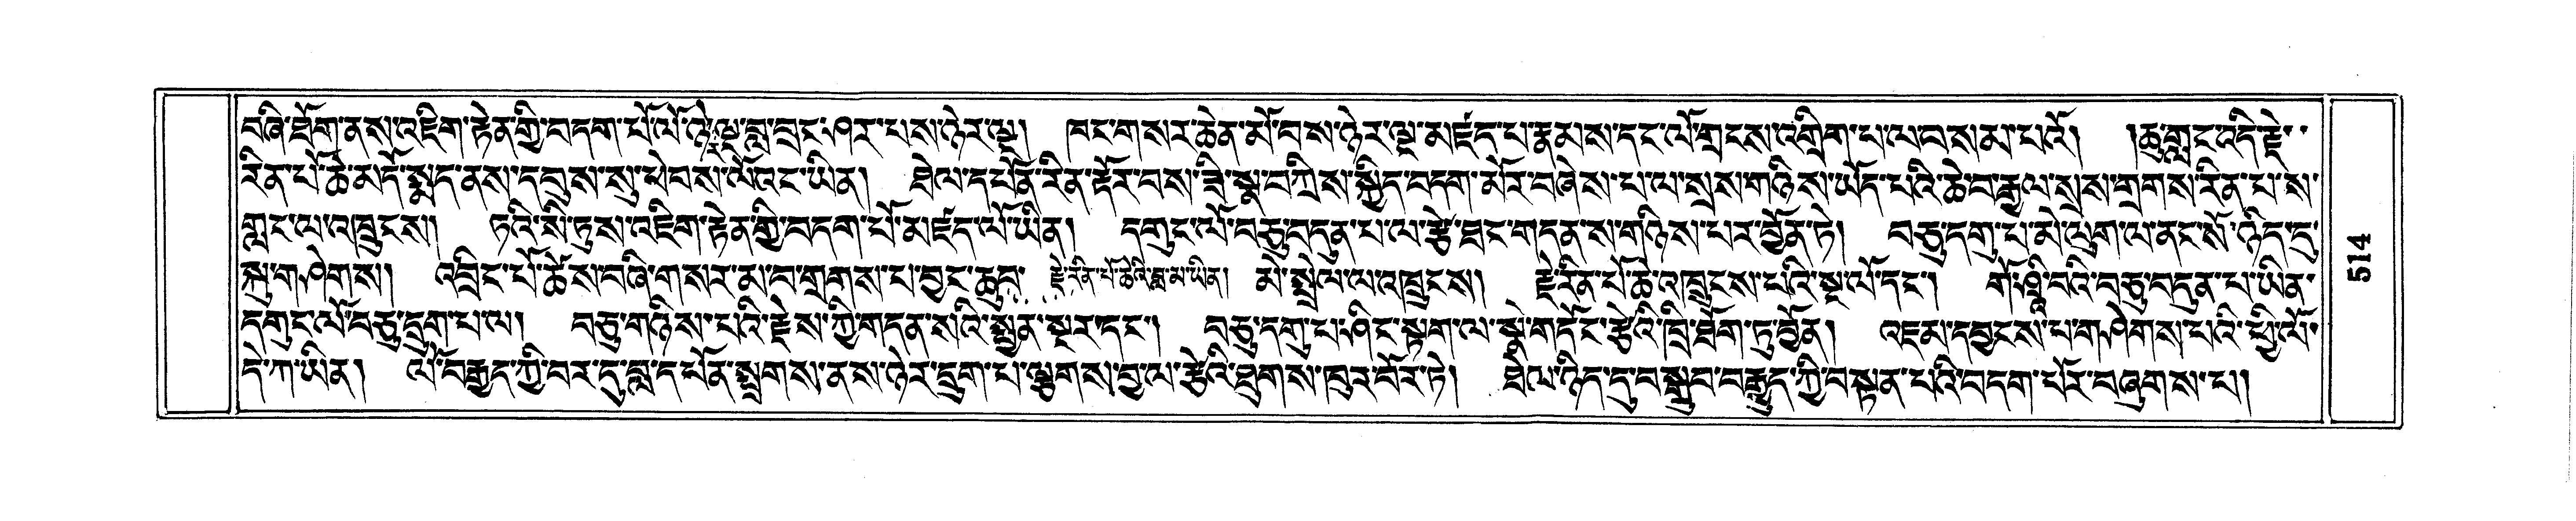བཞི་ཐོག་ནས་འཇིག་རྟེན་གྱི་བདག་པོ་ལོ་ཉེར་ལྔ་བླ་བྲང་ཤར་པས་ཉེར་ལྔ། ཁང་གསར་ཆེན་མོ་བས་ཉེར་ལྔ་མཛད་པ་རྣམས་དང་ལོ་གྲངས་འགྲིག་པ་ལ་བསམ་པའོ། །ཆུ་གླང་འདི་རྗེ་
རིན་པོ་ཆེ་མདོ་སྨད་ནས་དབུས་སུ་ཕེབས་ལོའང་ཡིན། ཐེལ་དཔོན་རིན་རྡོར་བས་ཟི་སྣ་བཀྲིས་སྐྱིད་བདག་མོར་བཞེས་པ་ལ་སྲས་གཉིས་ཡོད་པའི་ཆེ་བ་རྒྱལ་སྲས་གྲགས་རིན་པ་ས་
གླང་ལ་འཁྲུངས། ཏའི་སི་ཏུས་འཇིག་རྟེན་གྱི་བདག་པོ་མཛད་ལོ་ཡིན། དགུང་ལོ་བཅུ་བདུན་པ་ལ་རྩེ་ཐང་གདན་ས་གཉིས་པར་བྱོན་ཏེ། བཅུ་དགུ་པ་མེ་ལུག་ལ་ནང་སོ་ཉིད་དུ་
སྐུ་གཤེགས། འབྲིང་པོ་ཚེས་བཞི་གསར་མ་བ་གྲགས་པ་བྱང་ཆུབ་རྗེ་རིན་པོ་ཆེའི་བླ་མ་ཡིན།  མེ་སྤྲེལ་ལ་འཁྲུངས། རྗེ་རིན་པོ་ཆེ་འཁྲུངས་པའི་སྔ་ལོ་དང་། གོ་ཤྲཱི་བའི་བཅུ་བདུན་པ་ཡིན་
དགུང་ལོ་བཅུ་དྲུག་པ་ལ། བཅུ་གཉིས་པའི་རྗེས་ཀྱི་གདན་སའི་སྤྱན་སྔར་དང་། བཅུ་དགུ་པ་ཤིང་སྟག་ལ་སྣེ་གདོང་རྩེའི་ཁྲི་ཐོག་ཏུ་བྱོན། འཇམ་དབྱངས་པ་གཤེགས་པའི་ཕྱི་ལོ་
དེ་ཀ་ཡིན། ལོ་བརྒྱད་ཀྱི་བར་དུ་བླ་དཔོན་སྤྲགས་ནས་ཉེར་དྲུག་པ་ལྕགས་བྱ་ལ་རྩེའི་ཐུགས་ཁུར་བོར་ཏེ། ཐེལ་ཉིད་དུ་བསྒྲུབ་བརྒྱུད་ཀྱི་བསྟན་པའི་བདག་པོར་བཞུགས་པ།